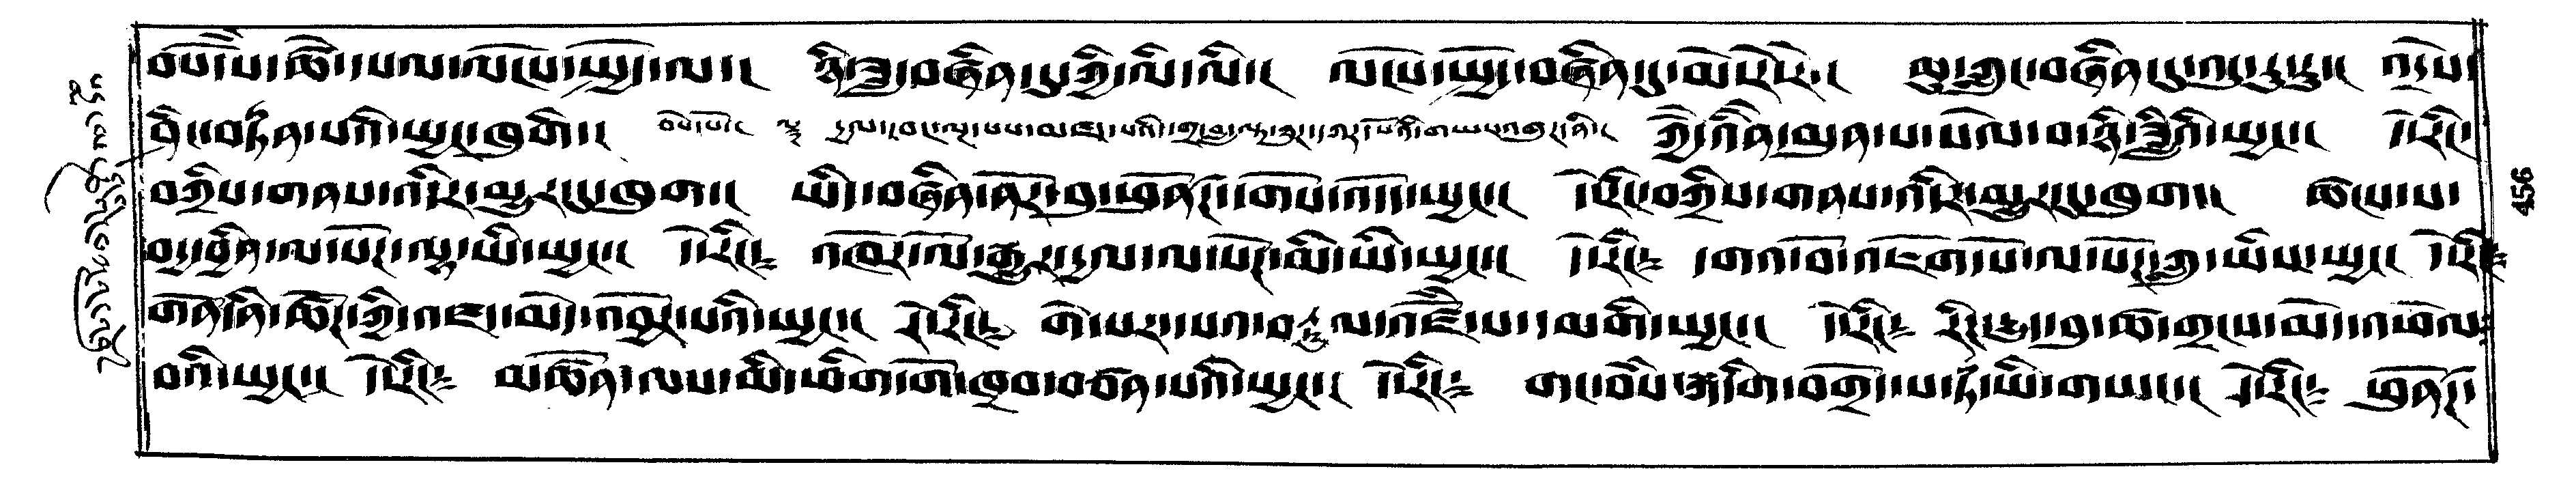བསོད་ནམས་ཚེ་དཔལ་ལོངས་སྤྱོད་ལ། །ཉི་ཟླ་བཞིན་དུ་ཀྱི་ལི་ལི། །ལོངས་སྤྱོད་བཞིན་དུ་མེ་རེ་རེ། །ཆུ་ཀླུང་བཞིན་དུ་འདུ་རུ་རུ། །འདྲེས་
ཤིང་བརྟན་པའི་གཡང་ཁུག་ཅིག ཅེས་སོ།། ༈ རྒྱལ་དབང་ལྔ་པས་མཛད་པའི་དགྲ་ལྷ་རྟ་ཐུགས་དཀར་པོའི་གཡང་འགུགས་ནི། ཀྱཻ། འཇིག་རྟེན་མུན་པ་སེལ་བ་ཉི་ཟླའི་གཡང་། །དེ་རིང་
བཀྲ་ཤིས་གནས་འདིར་མྱུར་དུ་ཁུག །ཡིད་བཞིན་ནོར་བུ་ཕུན་ཚོགས་དགོས་འདོད་གཡང་། །དེ་རིང༴ ཚངས་པ་
རྒྱ་བྱིན་ལ་སོགས་ལྷ་ཡི་གཡང་། །དེ་རིང༴ འཁོར་ལོས་བསྒྱུར་རྒྱལ་ལ་སོགས་མི་ཡི་གཡང་། །དེ་རིང༴ དགའ་བོ་འཇོག་པོ་ལ་སོགས་ཀླུ་ཡི་གཡང་། །དེ་རིང་
གནོས་སྦྱིན་ཚོགས་ཀྱི་འཛད་མེད་འབྱོར་པའི་གཡང་། །དེ་རིང༴ གེ་སར་དཔའ་བརྟུལ་འཛོམ་པ་དམག་གི་གཡང་། །དེ་རིང༴ རིགས་རྒྱུད་བུ་ཚད་གྲངས་མེད་འཕེལ་
བའི་གཡང་། དེ་རིང༴ མཚོན་ཆས་མི་ཕིག་གོ་ཁྲབ་བཙན་པའི་གཡང་། །དེ་རིང༴ གང་བསམ་སྐད་ཅིག་བགྲོད་པ་རྟ་ཡི་གཡང་། །དེ་རིང༴ ཕུན་ཚོགས་